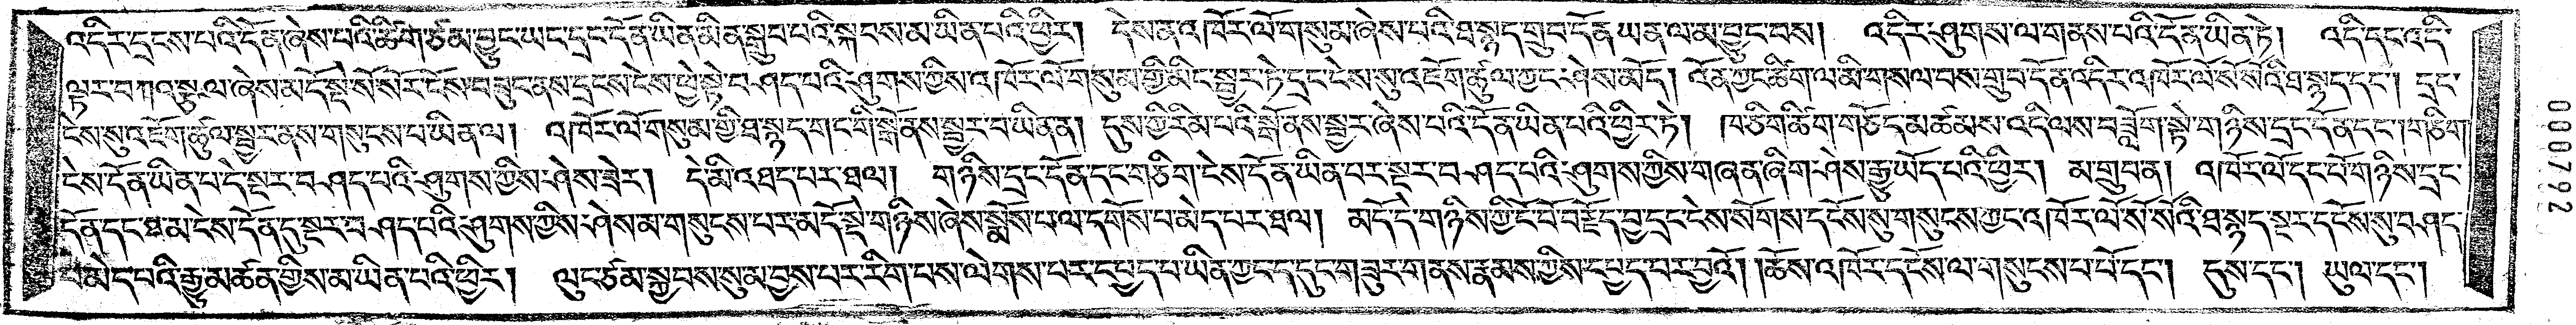འདིར་དྲངས་པའི་དོན་ཞེས་པའི་ཚིག་ཙམ་བྱུང་ཡང་དྲང་དོན་ཡིན་མིན་སྒྲུབ་པའི་སྐབས་མ་ཡིན་པའི་ཕྱིར། དེས་ན་འཁོར་ལོ་གསུམ་ཞེས་པའི་ཐ་སྙད་གྲུབ་དོན་ཡན་ལ་མ་བྱུང་བས། འདིར་ཤུགས་ལ་གནས་པའི་དོན་ཡིན་ཏེ། འདི་དང་འདི་
ལྟར་བཀའ་སྩལ་ཞེས་མདོ་སྡེ་སོ་སོར་ངོས་བཟུང་ནས་དྲངས་ངེས་ཕྱེ་སྟེ་བཤད་པའི་ཤུགས་ཀྱིས་འཁོར་ལོ་གསུམ་གྱི་མིང་སྦྱར་ཏེ་དྲང་ངེས་སུ་འཇོག་ཚུལ་ཡང་ཤེས་མོད། འོན་ཀྱང་ཚིག་ལ་མི་གསལ་བས་གྲུབ་དོན་འདིར་འཁོར་ལོ་སོ་སོའི་ཐ་སྙད་དང་། དྲང་
ངེས་སུ་འཇོག་ཚུལ་སྦྱར་ནས་གསུངས་པ་ཡིན་ལ། འཁོར་ལོ་གསུམ་གྱི་ཐ་སྙད་གང་གི་སྒོ་ནས་སྦྱར་བ་ཡིན་ན། དུས་ཀྱི་རིམ་པའི་སྒོ་ནས་སྦྱར་ཞེས་པའི་དོན་ཡིན་པའི་ཕྱིར་ཏེ། ཁ་ཅིག་ཚིག་གཅོད་མཚམས་འདི་ལས་བཟློག་སྟེ་གཉིས་དྲང་དོན་དང་། གཅིག་
ངེས་དོན་ཡིན་པ་དེ་སྔར་བཤད་པའི་ཤུགས་ཀྱིས་ཤེས་ཟེར། དེ་མི་འཐད་པར་ཐལ། གཉིས་དྲང་དོན་དང་གཅིག་ངེས་དོན་ཡིན་པར་སྔར་བཤད་པའི་ཤུགས་ཀྱིས་གཞན་ཞིག་ཤེས་རྒྱུ་ཡོད་པའི་ཕྱིར། མ་གྲུབ་ན། འཁོར་ལོ་དང་པོ་གཉིས་དྲང་
དོན་དང་ཐ་མ་ངེས་དོན་དུ་སྔར་བཤད་པའི་ཤུགས་ཀྱིས་ཤེས་མ་གསུངས་པར་མདོ་སྡེ་གཉིས་ཞེས་སྨོས་པ་ལ་དགོས་པ་མེད་པར་ཐལ། མདོ་དེ་གཉིས་ཀྱི་ངོ་བོ་བརྗོད་བྱ་དྲང་ངེས་སོགས་དངོས་སུ་གསུངས་ཀྱང་འཁོར་ལོ་སོ་སོའི་ཐ་སྙད་སྔར་དངོས་སུ་བཤད་
པ་མེད་པའི་རྒྱུ་མཚན་གྱིས་མ་ཡིན་པའི་ཕྱིར། ལུང་ཙམ་སྐྱབས་སུ་མ་བྱས་པར་རིག་པས་ལེགས་པར་དཔྱད་པ་ཡིན་ཀྱང་ད་དུང་གཟུར་གནས་རྣམས་ཀྱིས་དཔྱད་པར་བྱའོ། །ཆོས་འཁོར་དངོས་ལ་གསུངས་པ་པོ་དང་། དུས་དང་། ཡུལ་དང་།